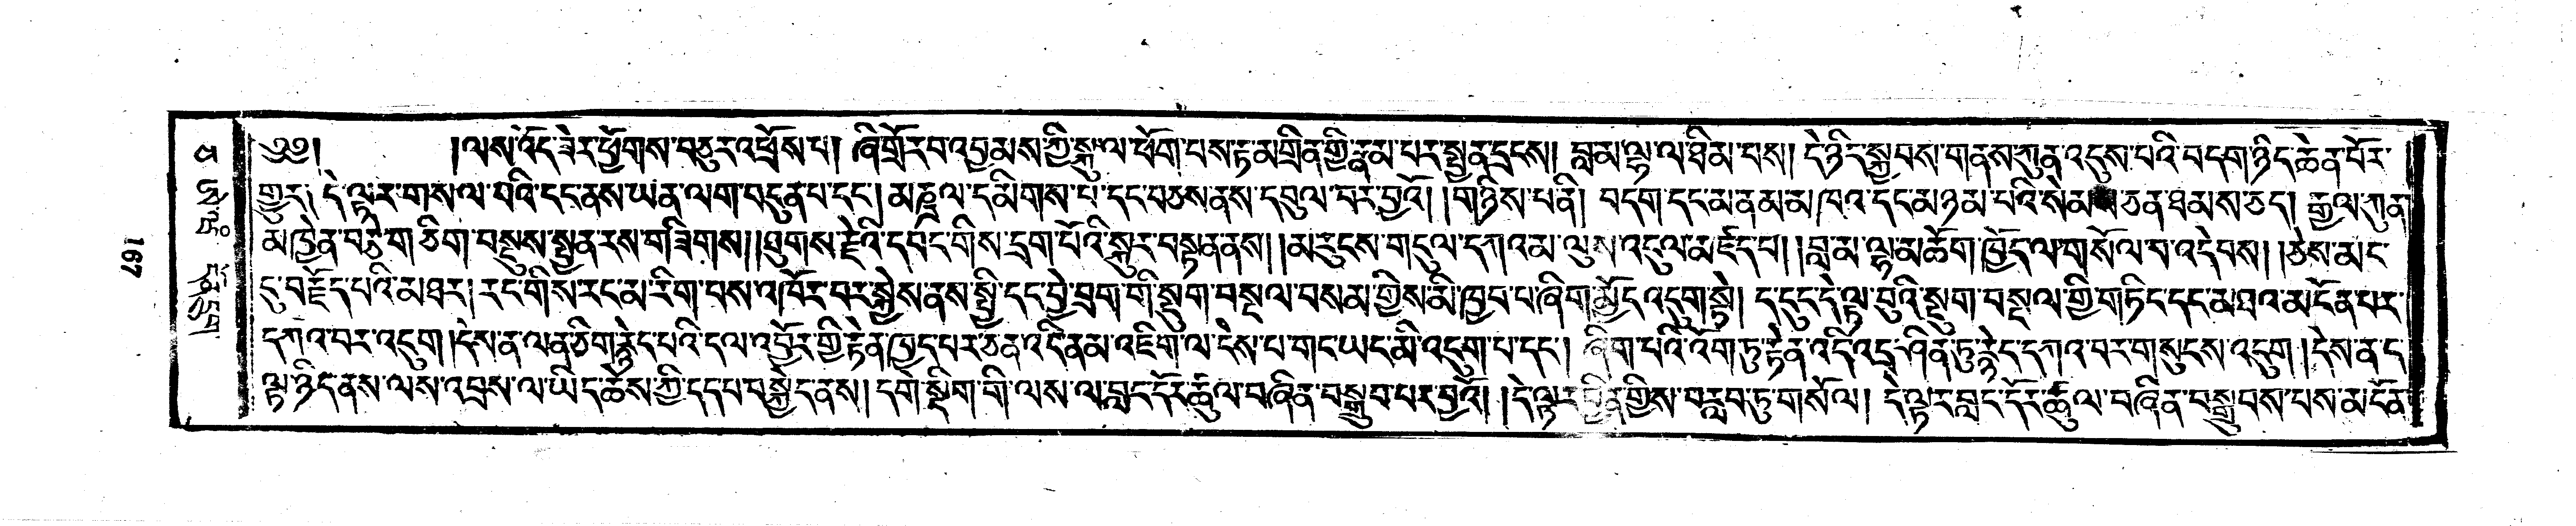༄༅། །ལས་འོད་ཟེར་ཕྱོགས་བཅུར་འཕྲོས་པ། ཞི་གྲོ་རབ་འབྱམས་གྱི་སྐུ་ལ་ཕོག་པས་རྟ་མགྲིན་གྱི་རྣམ་པར་སྤྱན་དྲངས། བླ་མ་ལྷ་ལ་ཐིམ་པས། དེ་ཉིད་སྐྱབས་གནས་ཀུན་འདུས་པའི་བདག་ཉིད་ཆེན་པོར་
གྱུར། དེ་ལྟར་གསལ་བའི་ངང་ནས་ཡན་ལག་བདུན་པ་དང་། མཎྜལ་དམིགས་པ་དང་བཅས་ནས་དབུལ་བར་བྱའོ། །གཉིས་པ་ནི། བདག་དང་མ་ནམ་མཁའ་དང་མཉམ་པའི་སེམས་ཅན་ཐམས་ཅད། རྒྱལ་ཀུན་
མཁྱེན་བརྩེ་གཅིག་བསྡུས་སྤྱན་རས་གཟིགས། །ཐུགས་རྗེའི་དབང་གིས་དྲག་པོའི་སྐུར་བསྟན་ནས། །མ་རུངས་གདུལ་དཀའ་མ་ལུས་འདུལ་མཛད་པ། །བླ་མ་ལྷ་མཆོག་ཁྱོད་ལ་གསོལ་བ་འདེབས། །ཅེས་མང་
དུ་བརྗོད་པའི་མཐར། རང་གིས་རང་མ་རིག་པས་འཁོར་བར་སྐྱེ་བ་ནས་སྤྱི་དང་བྱེ་བྲག་གི་སྡུག་བསྔལ་བསམ་གྱིས་མི་ཁྱབ་པ་ཞིག་མྱོང་འདུག་སྟེ། ད་དུང་དེ་ལྟ་བུའི་སྡུག་བསྔལ་གྱི་གཏིང་དང་མཐའ་མངོན་པར་
དཀའ་བར་འདུག །དེས་ན་ལན་ཅིག་རྙེད་པའི་དལ་འབྱོར་གྱི་རྟེན་ཁྱད་པར་ཅན་འདི་ནམ་འཇིག་ལ་ངེས་པ་ཡང་ཡང་མི་འདུག་པ་དང་། ཞིག་པའི་འོག་ཏུ་རྟེན་འདི་འདྲ་ཤིན་ཏུ་རྙེད་དཀའ་བར་གསུངས་འདུག །དེས་ན་ད་
ལྟ་ཉིད་ནས་ལས་འབྲས་ལ་ཡིད་ཆེས་ཀྱི་དད་པ་བསྐྱེད་ནས། དགེ་སྡིག་གི་ལས་ལ་བླང་དོར་ཚུལ་བཞིན་བསྒྲུབ་པར་བྱའོ། །དེ་ལྟར་བྱིན་གྱིས་བརླབ་ཏུ་གསོལ། དེ་ལྟར་བླང་དོར་ཚུལ་བཞིན་བསྒྲུབས་པས་མངོན་